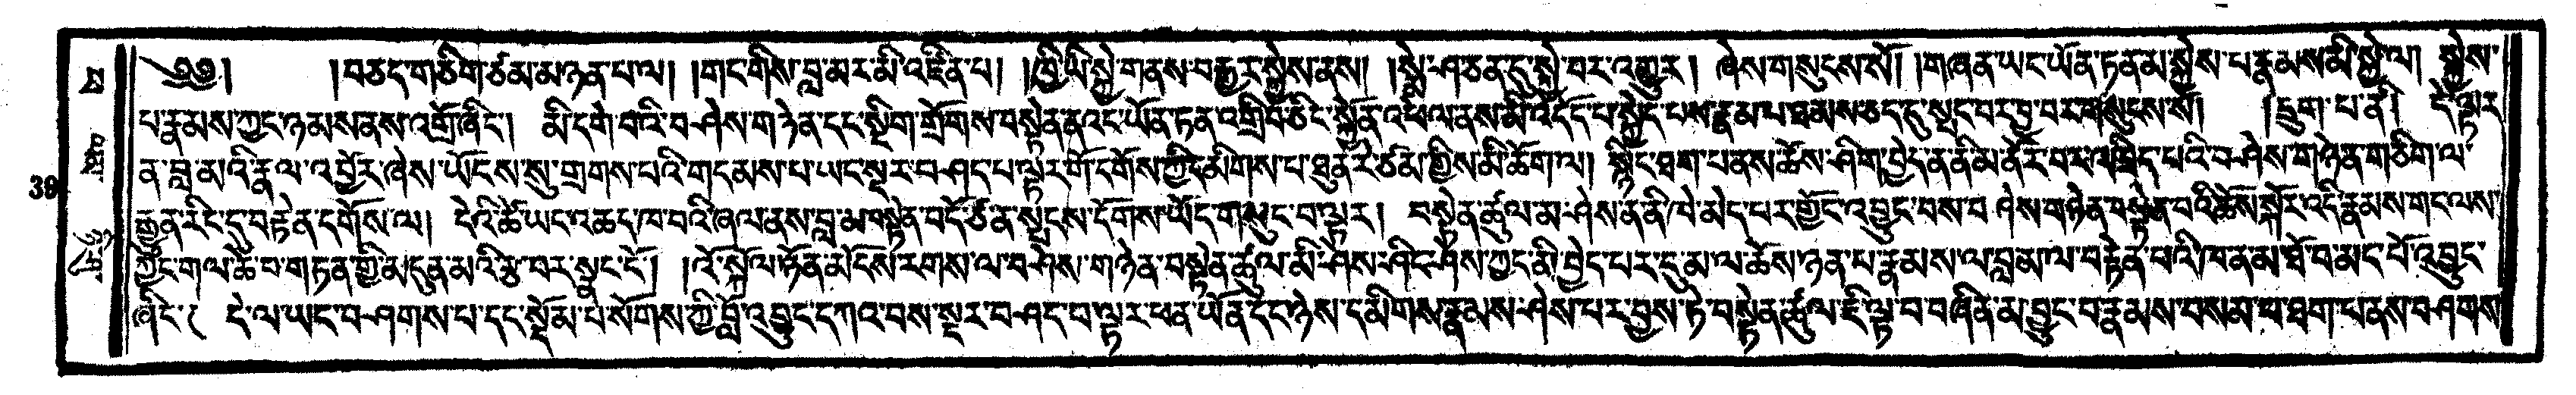༄༅། །བཅད་གཅིག་ཙམ་མཉན་པ་ལ། །གང་གིས་བླ་མར་མི་འཛིན་པ། །ཁྱི་ཡི་སྐྱེ་གནས་བརྒྱར་སྐྱེས་ནས། །སྨེ་ཤ་ཅན་དུ་སྐྱེ་བར་འགྱུར། ཞེས་གསུངས་སོ། །གཞན་ཡང་ཡོན་ཏན་མ་སྐྱེས་པ་རྣམས་མི་སྐྱེ་ལ། སྐྱེས་
པ་རྣམས་ཀྱང་ཉམས་ནས་འགྲོ་ཞིང་། མི་དགེ་བའི་བཤེས་གཉེན་དང་སྡིག་གྲོགས་བསྟེན་ནའང་ཡོན་ཏན་འགྲིབ་ཅིང་སྐྱོན་འཕེལ་ནས་མི་འདོད་པ་སྐྱེས་པས་རྣམ་པ་ཐམས་ཅད་དུ་སྤང་བར་བྱ་བར་གསུངས་སོ། །དྲུག་པ་ནི། དེ་ལྟར་
ན་བླ་མའི་རྣལ་འབྱོར་ཞེས་ཡོངས་སུ་གྲགས་པའི་གདམས་པ་ཡང་སྔར་བཤད་པ་ལྟར་གོ་དགོས་ཀྱི་དམིགས་པ་ཐུན་རེ་ཙམ་གྱིས་མི་ཆོག་ལ། སྙིང་ཐག་པ་ནས་ཆོས་ཤིག་བྱེད་ན་ནི་མ་ནོར་བར་འཁྲིད་པའི་བཤེས་གཉེན་གཅིག་ལ་
རྒྱུན་རིང་དུ་བརྟེན་དགོས་ལ། དེའི་ཚེ་ཡང་འཆད་ཁ་བའི་ཞལ་ནས་བླ་མ་བསྟེན་བདོ་ཙ་ན་སྤངས་དོགས་ཡོད་གསུང་བ་ལྟར། བསྟེན་ཚུལ་མ་ཤེས་ན་ནི་ཁེ་མེད་པར་གྱོང་འབྱུང་བས་བཤེས་གཉེན་བསྟེན་པའི་ཆོས་སྐོར་འདི་རྣམས་གང་ལས་
ཀྱང་གལ་ཆེ་བ་གཏན་གྱི་མདུན་མའི་རྩ་བར་སྣང་ངོ ། །འོ་སྐོལ་ཉོན་མོངས་རགས་ལ་བཤེས་གཉེན་བསྟེན་ཚུལ་མི་ཤེས་ཤིང་ཤེས་ཀྱང་མི་བྱེད་པར་དུ་མ་ལ་ཆོས་ཉན་པ་རྣམས་ལ་བླ་མ་ལ་བརྟེན་པའི་ཁ་ན་མ་ཐོ་བ་མང་པོ་འབྱུང་
ཞིང་༑ དེ་ལ་ཡང་བཤགས་པ་དང་སྡོམ་པ་སོགས་ཀྱི་བློ་འབྱུང་དཀའ་བས་སྔར་བཤད་པ་ལྟར་ཕན་ཡོན་དང་ཉེས་དམིགས་རྣམས་ཤེས་པར་བྱས་ཏེ་བསྟེན་ཚུལ་ཇི་ལྟ་བ་བསྟེན་ཚུལ་ཇི་ལྟ་བ་བཞིན་མ་བྱུང་བ་རྣམས་བསམ་པ་ཐག་པ་ནས་བཤགས་